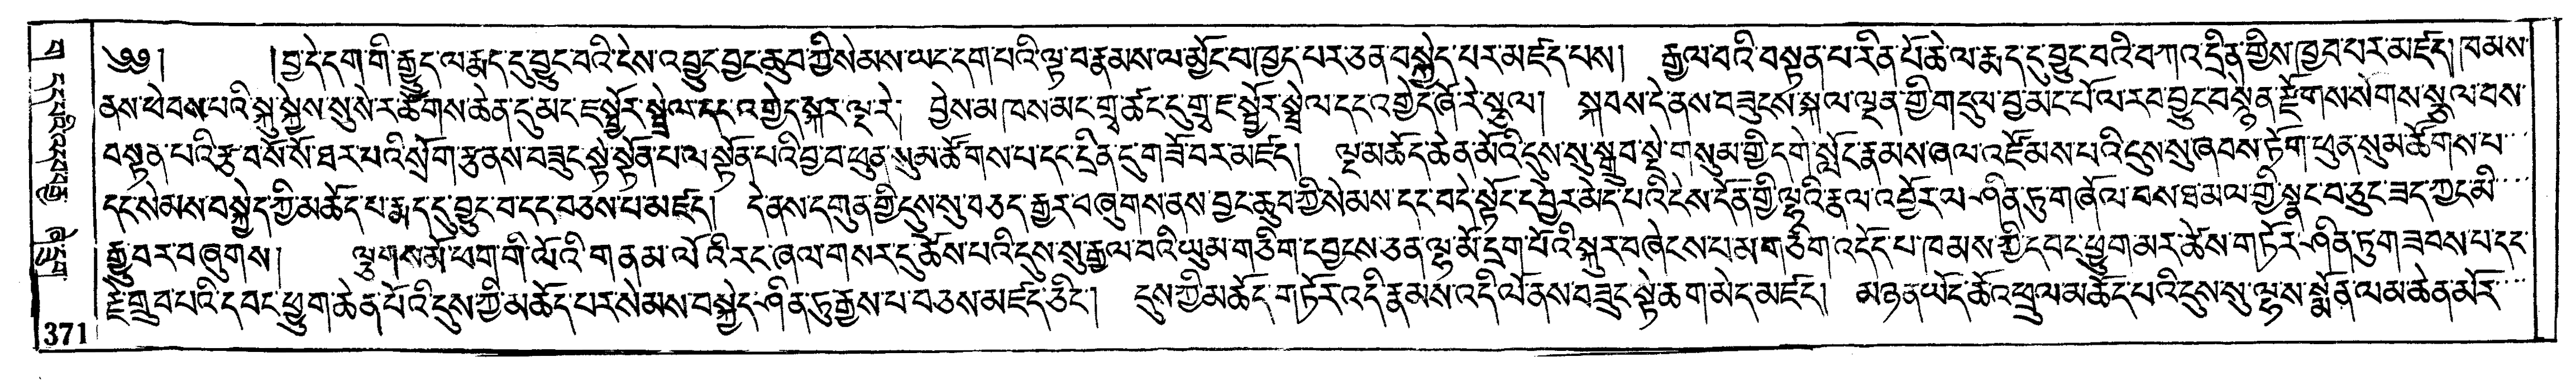༄༅། །བྱ་དེ་དག་གི་རྒྱུད་ལ་རྨད་དུ་བྱུང་བའི་ངེས་འབྱུང་བྱང་ཆུབ་ཀྱི་སེམས་ཡང་དག་པའི་ལྟ་བ་རྣམས་ལ་མྱོང་པ་ཁྱད་པར་ཅན་བསྐྱེད་པར་མཛད་པས། རྒྱལ་བའི་བསྟན་པ་རིན་པོ་ཆེ་ལ་རྨད་དུ་བྱུང་བའི་བཀའ་དྲིན་གྱིས་ཁྱབ་པར་མཛད། ཁམས་
ནས་ཕེབས་པའི་སྐུ་སྐྱེས་སུ་སེར་ཚོགས་ཆེན་དུ་མང་ཇ་སྦྱོར་སྤྲེལ་དང་འགྱེད་སྐར་ལྔ་རེ། བྱིས་མཁས་མང་གྲྭ་ཚང་དུ་གྲྭ་ཇ་སྦྱོར་སྤྲེལ་དང་འགྱེད་ཞོ་རེ་སྩལ། སྐབས་དེ་ནས་བཟུངས་སྐལ་ལྡན་གྱི་གདུལ་བྱ་མང་པོ་ལ་རབ་བྱུང་བསྙེན་རྫོགས་སོགས་སྩལ་བས་
བསྟན་པའི་རྩ་བསོ་སོ་ཐར་པའི་སྲོག་རྩ་ནས་བཟུང་སྟེ་སྟོན་པ་ལ་སྟོན་པའི་བྱ་བ་ཕུན་སུམ་ཚོགས་པ་དང་དྲིན་དུ་གཟོ་བར་མཛད། ལྔ་མཆོད་ཆེན་མོའི་དུས་སུ་སྒྲུབ་སྡེ་གསུམ་གྱི་དགེ་སློང་རྣམས་ཞལ་འཛོམས་པའི་དུས་སུ་ཞབས་ཏོག་ཕུན་སུམ་ཚོགས་པ་
དང་སེམས་བསྐྱེད་ཀྱི་མཆོད་པ་རྨད་དུ་བྱུང་བ་དང་བཅས་པ་མཛད། དེ་ནས་དགུན་གྱི་དུས་སུ་བཅད་རྒྱར་བཞུགས་ནས་བྱང་ཆུབ་ཀྱི་སེམས་དང་བདེ་སྟོང་དབྱེར་མེད་པའི་ངེས་དོན་གྱི་ལྷའི་རྣལ་འབྱོར་ལ་ཤིན་ཏུ་གཞོལ་པས་ཐ་མལ་གྱི་སྣང་བ་ཅུང་ཟད་ཀྱང་མི་
རྒྱུ་བར་བཞུགས། ལྕགས་མོ་ཕག་གི་ལོའི་གནམ་ལོའི་རང་ཞལ་གསར་དུ་ཚེས་པའི་དུས་སུ་རྒྱལ་བའི་ཡུམ་གཅིག་དབྱངས་ཅན་ལྷ་མོ་དྲག་པོའི་སྐུར་བཞེངས་པ་མ་གཅིག་འདོད་པ་ཁམས་ཀྱི་དབང་ཕྱུག་མར་ཚེས་གཏོར་ཤིན་ཏུ་གཟབས་པ་དང་
རྗེ་གྲུབ་པའི་དབང་ཕྱུག་ཆེན་པོའི་དུས་ཀྱི་མཆོད་པར་སེམས་བསྐྱེད་ཤིན་ཏུ་རྒྱས་པ་བཅས་མཛད་ཅིང་། དུས་ཀྱི་མཆོད་གཏོར་འདི་རྣམས་འདི་ལོ་ནས་བཟུང་སྟེ་ཚག་མེད་མཛད། མཉན་ཡོད་ཆོ་འཕྲུལ་མཆོད་པའི་དུས་སུ་ལྷ་ས་སྨོན་ལམ་ཆེན་མོར་